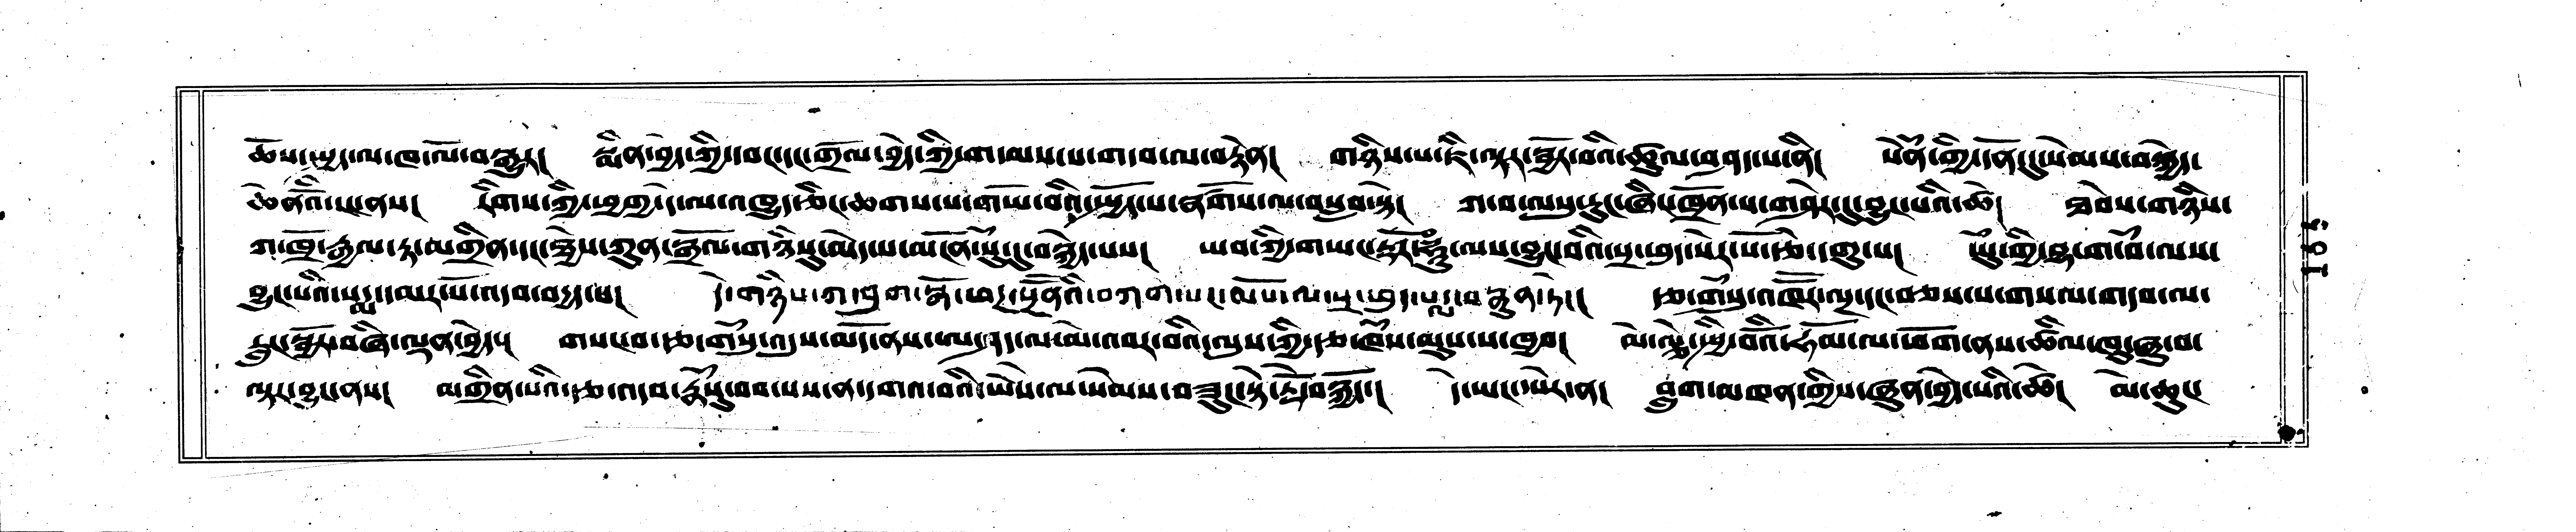ཆོས་སྤྱད་ལ་ཁ་ལོ་བསྒྱུར། སྨིན་བྱེད་ཀྱི་དབང་དང་གྲོལ་བྱེད་ཀྱི་གདམས་པ་གདབ་ལ་བརྟེན། གཉིས་པ་ཇི་ལྟར་སྦྱོར་བའི་ཚུལ་བཤད་པ་ནི། སེམས་ཅན་གྱི་དོན་དུ་སེམས་བསྐྱེད་
ཆེན་པོའི་ངང་ནས། རིགས་ཀྱི་ཕྱག་རྒྱ་དེ་ལ་འཁྱུད་ཅིང་ཆགས་པ་གཡོ་བའི་སྤྱོད་པ་སྣ་ཚོགས་ལ་བསླབས་ཏེ། ཀ་བ་ལས་སུ་རུང་ཞིང་ཁྲོན་པ་གཤེར་དུ་བྱུང་བའི་ཚེ། ཐབས་ཤེས་གཉིས་
ཀ་ཁྲོ་རྒྱལ་རྟ་མགྲིན་དང་། ཐུགས་རྗེ་ཀུན་གྲོལ་གཉིས་སུ་མེད་པ་མངོན་སུམ་དུ་བསྐྱེད་པས། ཡབ་ཀྱི་གསང་རྡོར་ཧཱུཾ་ལས་བྱུང་བའི་པྲ་ཕུད་སེར་པ་རྩེ་དགུ་པ་ཡུམ་གྱི་བྷ་ག་བཾ་ལས་
བྱུང་བའི་པདྨ་དམར་པོ་འདབ་བརྒྱད་པ། དེ་གཉིས་ཀ་བུག་སྒོ་ཕཊ་སྔོན་པོས་བཀག་པར་མོས་ལ་པྲ་ཕུད་པདྨ་བསྣུན་ཏེ། རྩ་གསུམ་འཁོར་ལོ་ལྔ་དང་བཅས་པ་གསལ་གདབ་ལ།
 རླུང་སྦྱོར་བཞི་ལྡན་བྱེད། གསང་བ་རྩ་གསུམ་འདུས་མདོ་ནས་ཨ་ཤད་ལ་མེ་འབར་བའི་ལུས་ཀྱི་རྩ་ཁམས་མ་ལུས་པ་ཁྱབ། མེ་ལྕེ་སྤྱི་བོའི་ཧཾ་ལ་ཕོག་ནས་ཚིལ་ཁུ་ཞུ་བ་
ལྟར་བྱུང་ནས། མགྲིན་པའི་རྩ་འདབ་རྣམས་སུ་བབས་པས་ན་དགའ་བའི་ཡེ་ཤེས་ལ་སེམས་བཟུང་སྟེ་རྡོ་རྗེ་བསྐྱོད། དེ་ཡང་དཔེར་ན། བླུག་མཁན་གྱིས་ཞུན་བྱེད་པའི་ཚེ། མེ་ཆུང་